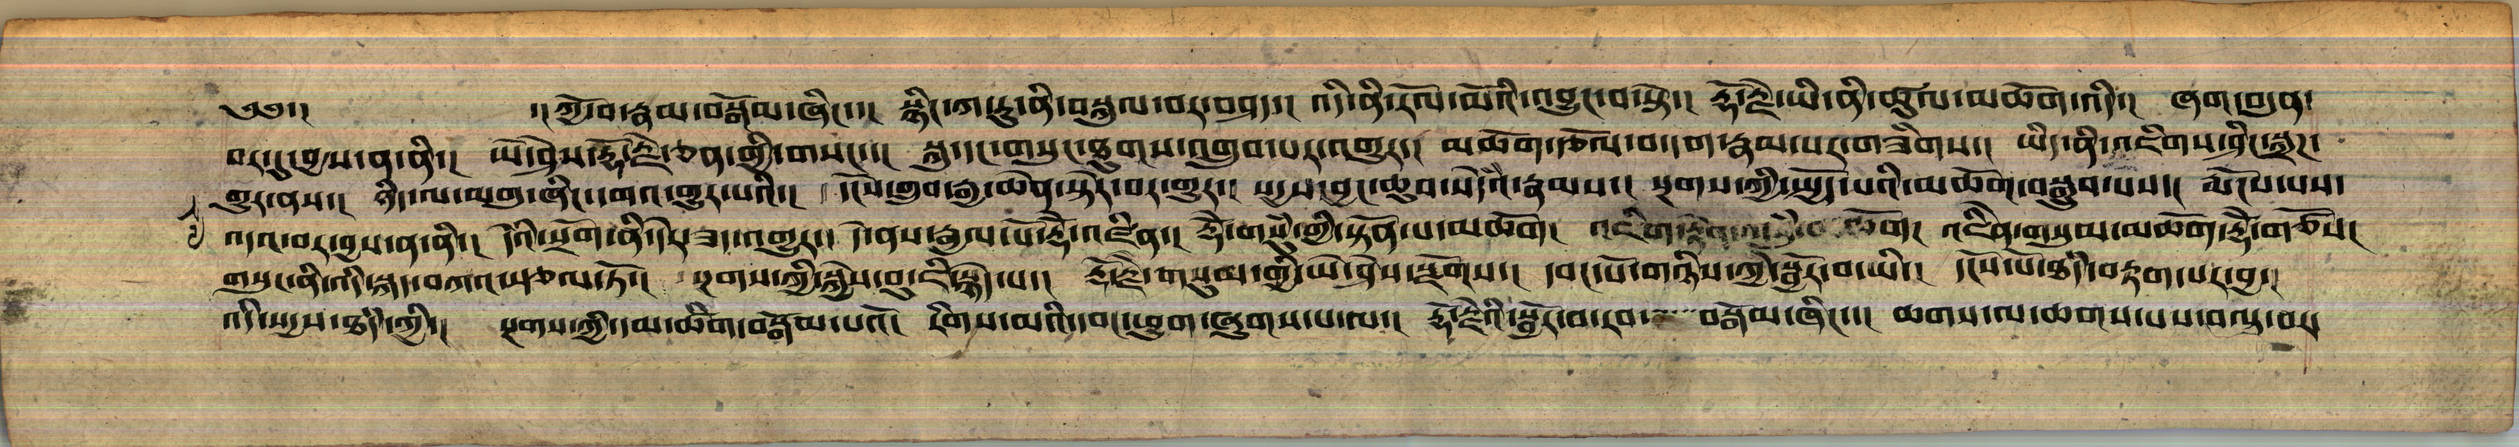༄༅་། ་།ཀྱོ་བ་རྣམ་བསྒོམ་ཞིང་་། སྙིང་ཀ་རུ་ནི་བསྐུལ་བར་བཤད་། འདི་ནི་རོལ་མོའི་འབྱུང་བ་སྟེ་། རྡོ་རྗེ་ཡི་ནི་ཚུལ་མཆོག་འདི་། ཞག་བདུན་
བར་དུ་བྱས་ན་ནི་། ཡེ་ཤེས་རྡོ་རྗེ་ཅན་གྱི་གསང་་། སྐུ་དང་གསུང་ཐུགས་འགྲུབ་པར་འགྱུར་། མཆོག་རྩོལ་བ་དག་རྣམ་པར་གཟིགས་། ཡིད་ནི་འཇིགས་ཤིང་སྐྲཌ་
གྱུར་ནས་། ཉིད་ལ་མགུ་ཞིང་དགའ་གྱུར་པའི་། དངོས་གྲུབ་རྒྱ་ཆེན་སྟེར་བར་འགྱུར་། སདྱས་བྱང་ཆུབ་སེདཾའ་རྣམས་། སྔགས་ཀྱི་སྤྱོད་པའི་མཆོག་བསྒྲུབ་པས་། རྨོངས་པས་
འདའ་བར་བྱས་ན་ནི་། དེའི་སྲོག་ནི་དེར་ཟད་འགྱུར་། དེ་ནས་རྒྱལ་པོ་རྡོེ་འཛིན་། རྡོེ་གསུཾ་གྱི་སྟོན་པ་མཆོག། འཇིག་རྟེན་གསུཾ་མཆོག། འཇིེན་གསུམ་མཆོག་རྡོེ་གཙོས།
གསུང་ནི་འདི་སྐད་བཀའ་སྩལ་ཏོ་། སྔགས་ཀྱི་སྐྱེས་བུ་ཇི་སྙེད་པ་། རྡོ་རྗེ་གསུམ་གྱི་ཡེ་ཤེས་སྫོགས་། དབང་པོ་གཉིས་ཀྱི་སྦྱཽར་བ་ཡི་། དངོས་པོ་ཐཾད་བརྟག་པར་བྱ་།
འདི་སདྱས་ཐཾད་ཀྱི་། སྔགས་ཀྱི་དམ་ཚིག་བསྒོམ་པའོ། རིགས་མའི་དབང་ཕྱུག་ཞུགས་པ་ལ་། རྡོ་རྗེའི་སྦྱོར་བ་རབ་་་་་་བསྒོམ་ཞིང་་། ཆགས་ལ་ཆགས་པས་བལྟ་བར་